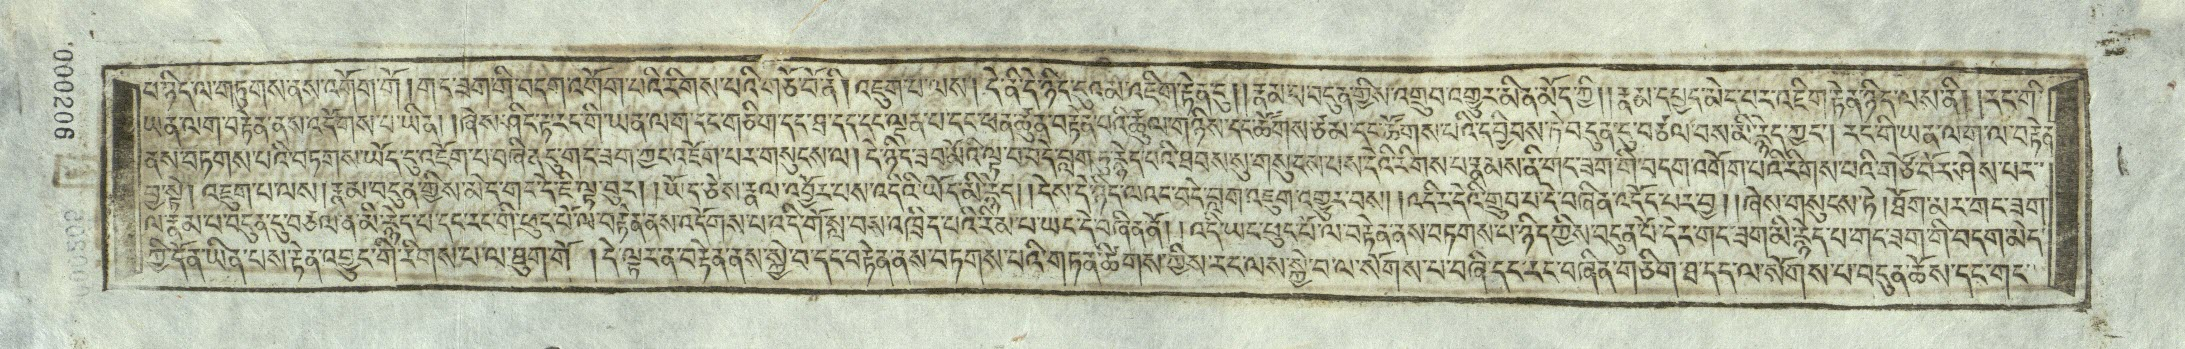པ་ཉིད་ལ་གཏུགས་ནས་འགོག་གོ །གང་ཟག་གི་བདག་འགོག་པའི་རིགས་པའི་གཙོ་བོ་ནི། འཇུག་པ་ལས། དེ་ནི་དེ་ཉིད་དུའམ་འཇིག་རྟེན་དུ། །རྣམ་པ་བདུན་གྱིས་འགྲུབ་འགྱུར་མིན་མོད་ཀྱི། །རྣམ་དཔྱད་མེད་པར་འཇིག་རྟེན་ཉིད་ལས་ནི། །རང་གི་
ཡན་ལག་བརྟེན་ནས་འདོགས་པ་ཡིན། །ཞེས་ཤིང་རྟ་རང་གི་ཡན་ལག་དང་གཅིག་དང་ཐ་དད་དང་ལྡན་པ་དང་ཕན་ཚུན་བརྟེན་པའི་ཚུལ་གཉིས་དང་ཚོགས་ཙམ་དང་ཚོགས་?་པའི་དབྱིབས་ཏེ་བདུན་དུ་བཙལ་བས་མི་རྙེད་ཀྱང་། རང་གི་ཡན་ལག་ལ་བརྟེན་
ནས་བཏགས་པའི་བཏགས་ཡོད་དུ་འཇོག་པ་བཞིན་དུ་གང་ཟག་ཀྱང་འཇོག་པར་གསུངས་ལ། དེ་ཉིད་ཟབ་མོའི་ལྟ་བ་བདེ་བླག་ཏུ་རྙེད་པའི་ཐབས་སུ་གསུངས་པས་དེའི་རིགས་པ་རྣམས་ནི་གང་ཟག་གི་བདག་འགོག་པའི་རིགས་པའི་གཙོ་བོར་ཤེས་པར་
བྱ་སྟེ། འཇུག་པ་ལས། རྣམ་བདུན་གྱིས་མེད་གང་དེ་ཇི་ལྟ་བུར། །ཡོད་ཅེས་རྣལ་འབྱོར་པས་འདིའི་ཡོད་མི་རྙེད། །དེས་དེ་ཉིད་ལའང་བདེ་བླག་འཇུག་འགྱུར་བས། །འདིར་དེའི་གྲུབ་པ་དེ་བཞིན་འདོད་པར་བྱ། །ཞེས་གསུངས་ཏེ། ཐོག་མར་གང་ཟག་
ལ་རྣམ་པ་བདུན་དུ་བཙལ་ན་མི་རྙེད་པ་དང་རང་གི་ཕུང་པོ་ལ་བརྟེན་ནས་འདོགས་པ་འདི་གོ་སླ་བས་འཁྲིད་པའི་རིམ་པ་ཡང་དེ་བཞིན་ནོ། །འདི་ཡང་ཕུང་པོ་ལ་བརྟེན་ནས་བཏགས་པ་ཉིད་ཀྱིས་བདུན་པོ་དེར་གང་ཟག་མི་རྙེད་པ་གང་ཟག་གི་བདག་མེད་
ཀྱི་དོན་ཡིན་པས་རྟེན་འབྱུང་གི་རིགས་པ་ལ་ཐུག་གོ། །དེ་ལྟར་ན་བརྟེན་ནས་སྐྱེ་བ་དང་བརྟེན་ནས་བཏགས་པའི་གཏན་ཚིགས་ཀྱིས་རང་ལས་སྐྱེ་བ་ལ་སོགས་པ་བཞི་དང་རང་བཞིན་གཅིག་ཐ་དད་ལ་སོགས་པ་བདུན་ཆོས་དང་གང་